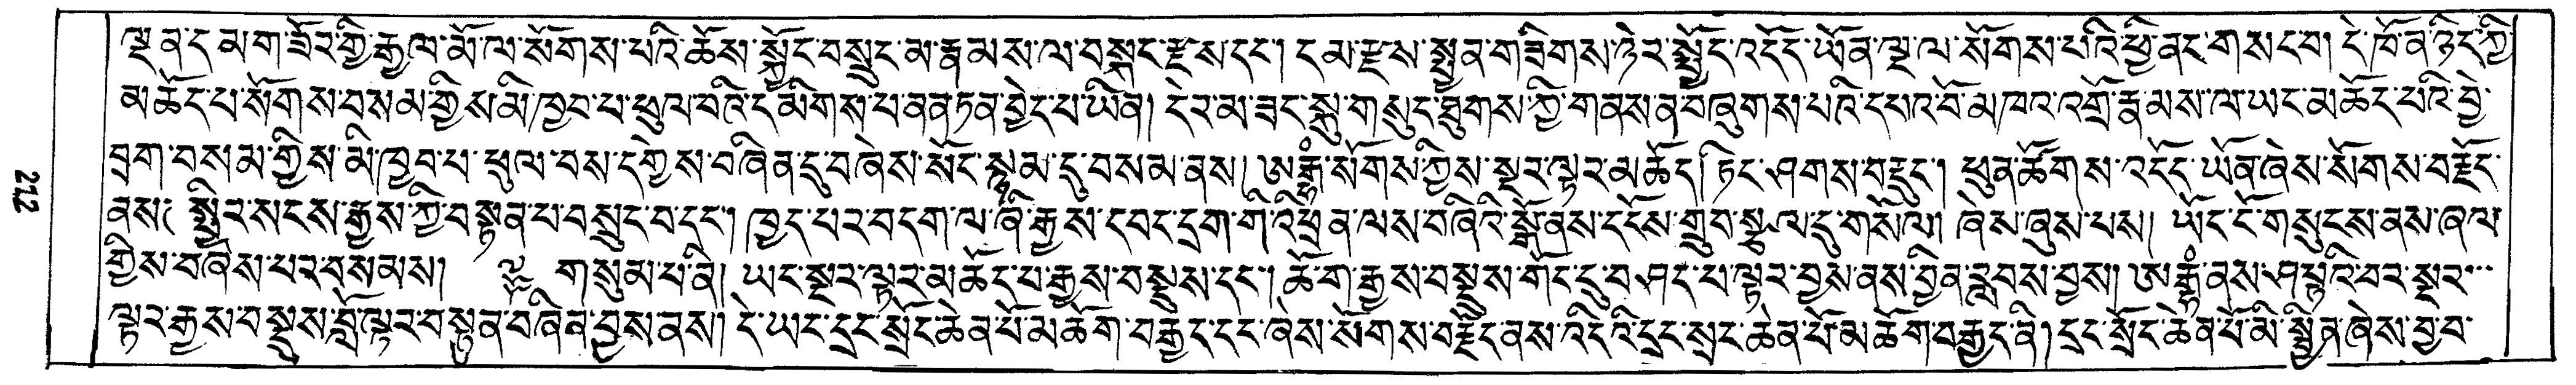ལྡན་དམག་ཟོར་གྱི་རྒྱལ་མོ་ལ་སོགས་པའི་ཆོས་སྐྱོང་བསྲུང་མ་རྣམས་ལ་བསྐང་རྫས་དང་། དམ་རྫས་སྤྱན་གཟིགས་ཉེར་སྤྱོད་འདོད་ཡོན་ལྔ་ལ་སོགས་པའི་ཕྱི་ནང་གསང་བ། དེ་ཁོ་ན་ཉིད་ཀྱི་
མཆོད་པ་སོགས་བསམ་གྱིས་མི་ཁྱབ་པ་ཕུལ་བའི་དམིགས་པ་ནན་ཏན་བྱེད་པ་ཡིན། དེར་མ་ཟད་སྐུ་གསུང་ཐུགས་ཀྱི་གནས་ན་བཞུགས་པའི་དཔའ་བོ་མཁའ་འགྲོ་རྣམས་ལ་ཡང་མཆོད་པའི་བྱེ་
བྲག་བསམ་གྱིས་མི་ཁྱབ་པ་ཕུལ་བས་དགྱེས་བཞིན་དུ་བཞེས་སོང་སྙམ་དུ་བསམ་ནས། ཨརྒྷཾ་སོགས་ཀྱིས་སྔར་ལྟར་མཆོད། ཏིང་ཤགས་བརྡུང་། ཕུན་ཚོགས་འདོད་ཡོན་ཞེས་སོགས་བརྗོད་
ནས༑ སྤྱིར་སངས་རྒྱས་ཀྱི་བསྟན་པ་བསྲུང་བ་དང་། ཁྱད་པར་བདག་ལ་ཞི་རྒྱས་དབང་དྲག་གི་འཕྲིན་ལས་བཞིའི་སྒོ་ནས་དངོས་གྲུབ་སྩལ་དུ་གསོལ། ཞེས་ཞུས་པས། ཡོང་ངོ་གསུངས་ནས་ཞལ་
གྱིས་བཞེས་པར་བསམས། ༈ གསུམ་པ་ནི། ཡང་སྔར་ལྟར་མཆོད་པ་རྒྱས་བསྡུས་དང་། ཆོ་ག་རྒྱས་བསྡུས་གོང་དུ་བཤང་བ་ལྟར་བྱས་ནས་བྱིན་རླབས་བྱས། ཨརྒྷཾ་ནས་ཤཔྟའི་བར་སྔར་
ལྟར་རྒྱས་བསྡུས་བློ་ལྟར་བསྟུན་བཞིན་བྱས་ནས། དེ་ཡང་དྲང་སྲོང་ཆེན་པོ་མཆོག་བརྒྱད་དང་ཞེས་སོགས་བརྗོད་ནས་འདིའི་དྲང་སྲོང་ཆེན་པོ་མཆོག་བརྒྱད་ནི། དྲང་སྲོང་ཆེན་པོ་མི་སྦྱིན་ཞེས་བྱ་བ་